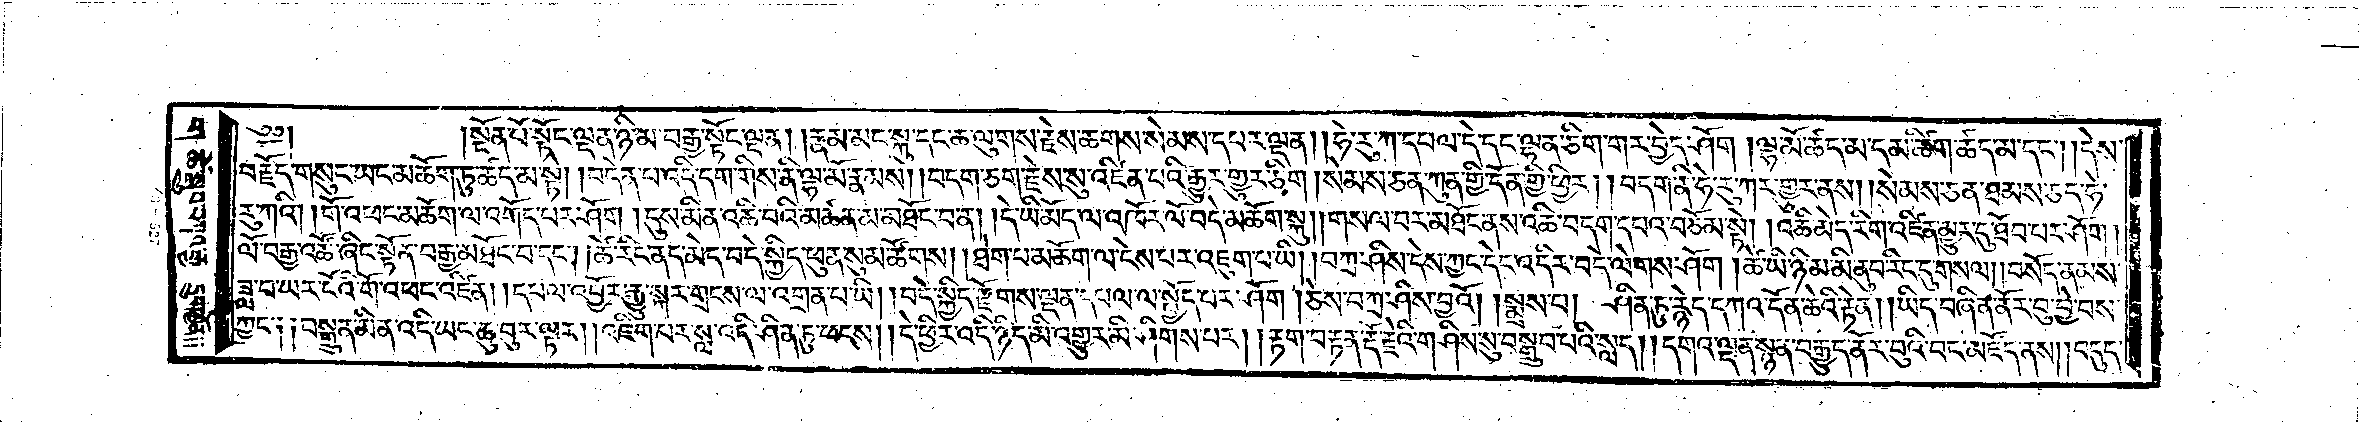༄༅། །སྔོན་པོ་སྟོང་ལྡན་ཉི་མ་བརྒྱ་སྟོང་ལྡན། །རྣམ་མང་སྐུ་དང་ཆ་ལུགས་རྗེས་ཆགས་སེམས་དཔར་ལྡན། །ཧེ་རུ་ཀ་དཔལ་དེ་དང་ལྷན་ཅིག་གར་བྱེད་ཤོག །ལྷ་མོ་ཚད་མ་དམ་ཚིག་ཚད་མ་དང་། །དེས་
བརྗོད་གསུང་ཡང་མཆོག་ཏུ་ཚད་མ་སྟེ། །བདེན་པ་འདི་དག་གིས་ནི་ལྷ་མོ་རྣམས། །བདག་ཅག་རྗེས་སུ་འཛིན་པའི་རྒྱུར་གྱུར་ཅིག །སེམས་ཅན་ཀུན་གྱི་དོན་གྱི་ཕྱིར། །བདག་ནི་ཧེ་རུ་ཀར་གྱུར་ནས། །སེམས་ཅན་ཐམས་ཅད་ཧེ་
རུ་ཀའི། །གོ་འཕང་མཆོག་ལ་འགོད་པར་ཤོག །དུས་མིན་འཆི་བའི་མཚན་མ་མཐོང་བ་ན། །དེ་ཡི་མོད་ལ་འཁོར་ལོ་བདེ་མཆོག་སྐུ། །གསལ་བར་མཐོང་ནས་འཆི་བདག་དཔའ་བཅོམ་སྟེ། །འཆི་མེད་རིག་འཛིན་མྱུར་དུ་ཐོབ་པར་ཤོག །
ལོ་བརྒྱ་འཚོ་ཞིང་སྟོན་བརྒྱ་མཐོང་བ་དང་། །ཚེ་རིང་ནད་མེད་བདེ་སྐྱིད་ཕུན་སུམ་ཚོགས། །ཐེག་པ་མཆོག་ལ་ངེས་པར་འཇུག་པ་ཡི། །བཀྲ་ཤིས་དེས་ཀྱང་དེང་འདིར་བདེ་ལེགས་ཤོག །ཚེ་ཡི་ཉི་མ་མི་ནུབ་རིང་དུ་གསལ། །བསོད་ནམས་
ཟླ་བ་ཡར་ངོའི་གོ་འཕང་འཛིན། །དཔལ་འབྱོར་རྒྱུ་སྐར་གྲངས་ལ་འགྲན་པ་ཡི། །བདེ་སྐྱིད་རྫོགས་ལྡན་དཔལ་ལ་སྤྱོད་པར་ཤོག །ཅེས་བཀྲ་ཤིས་བྱའོ། །སྨྲས་པ། ཤིན་ཏུ་རྙེད་དཀའ་དོན་ཆེའི་རྟེན། །ཡིད་བཞིན་ནོར་བུ་བྱེ་བས་
ཀྱང༑ ༑བསྒྲུན་མིན་འདི་ཡང་ཆུ་བུར་ལྟར། །འཇིག་པར་སླ་འདི་ཤིན་ཏུ་ཕངས། །དེ་ཕྱིར་འདི་ཉིད་མི་འགྱུར་མི་ཤིགས་པར། །རྟག་བརྟན་རྡོ་རྗེའི་གཤིས་སུ་བསྒྲུབ་པའི་སླད། །དགའ་ལྡན་སྙན་བརྒྱུད་ནོར་བུའི་བང་མཛོད་ནས། །བདུད་